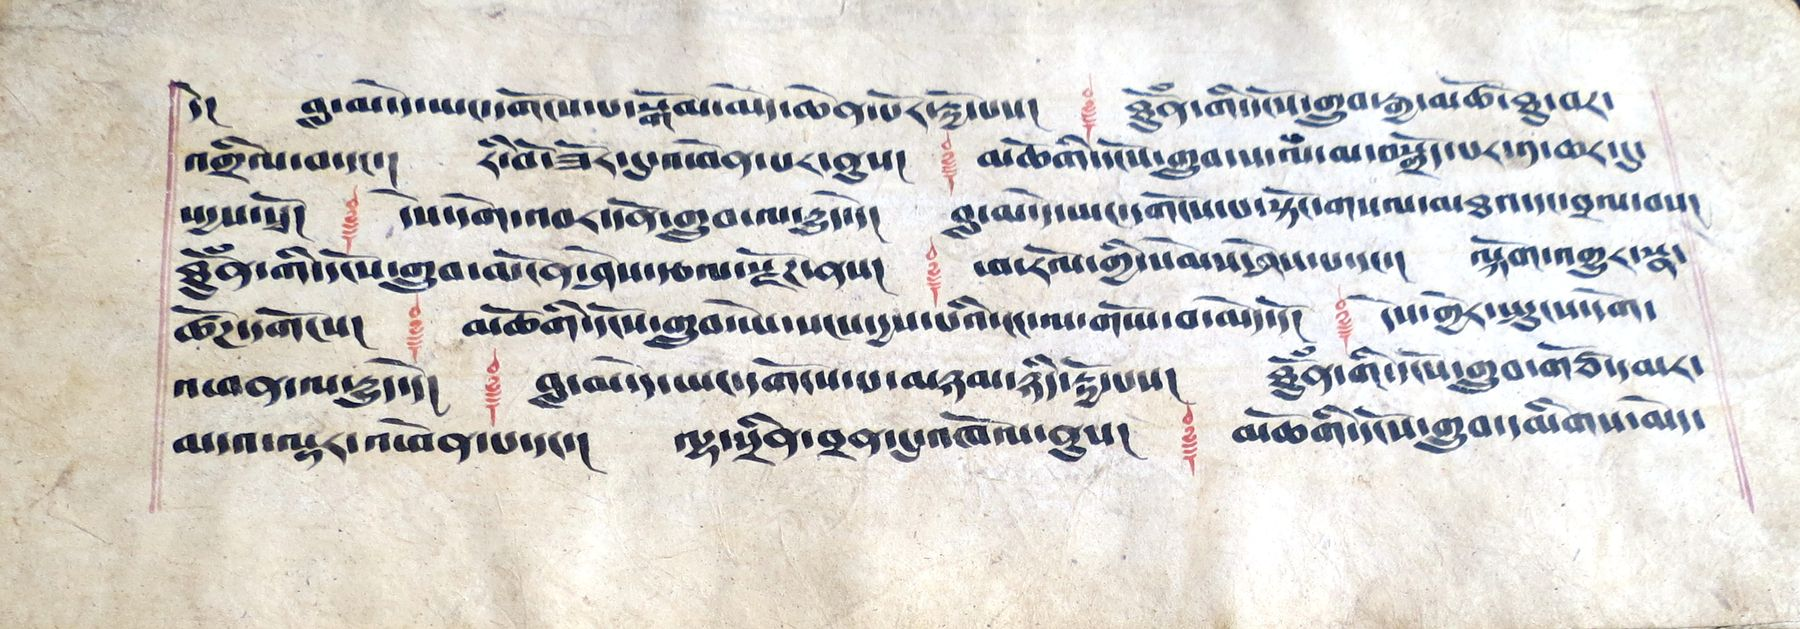དེ། བླ་མ་དེ་ཡང་དགོངས་པ་བསྒོམ་མེད་ཆེན་པོར་རྟོགས་ནས། ཐུན་མོང་གི་དངོས་གྲུབ་རྒྱ་མཚོ་ཐུ་བར་
འདྲིལ་བ་དང་། རི་བོ་ཟོར་དུ་འཕེན་པར་ནུས། མཆོག་གི་དངོས་གྲུབ་ས་ལམ་མ་བསྒྲོད་པ་གཅིག་ཆར་དུ་
སངས་རྒྱས་སོ། ། དེས་དགེ་འབར་དོན་གྲུབ་ལ་བརྒྱུད་དེ། བླ་མ་དེ་ཡང་དགོངས་པ་སྟོང་གསལ་མཐའ་དང་བྲལ་བས། 
ཐུན་མོང་གི་དངོས་གྲུབ་མངོན་ཤེས་རྩལ་རྣམས་རྫོགས་ནས། ཕ་རོལ་གྱི་སེམས་ཤེས་པ་དང་། ལྐོག་གྱུར་སྣ་
ཚོགས་དགོངས། མཆོག་གི་དངོས་གྲུབ་ཡེ་སངས་རྒྱས་པའི་ངང་ལ་གཡོ་བ་མེད་དོ། ། དེས་གྱེར་སྤུངས་དགེ་
འཕེན་ལ་བརྒྱུད་དེ། བླ་མ་དེ་ཡང་དགོངས་པ་མཉམ་ཉིད་རྟོགས་པས། ཐུན་མོང་གི་དངོས་གྲུབ་བཙོ་དམར་
མདའ་ལྟར་འཕེན་པ་དང་། ལྷ་སྲིན་བྲན་དུ་འཁོལ་ནུས། མཆོག་གི་དངོས་གྲུབ་དམིགས་མེད་